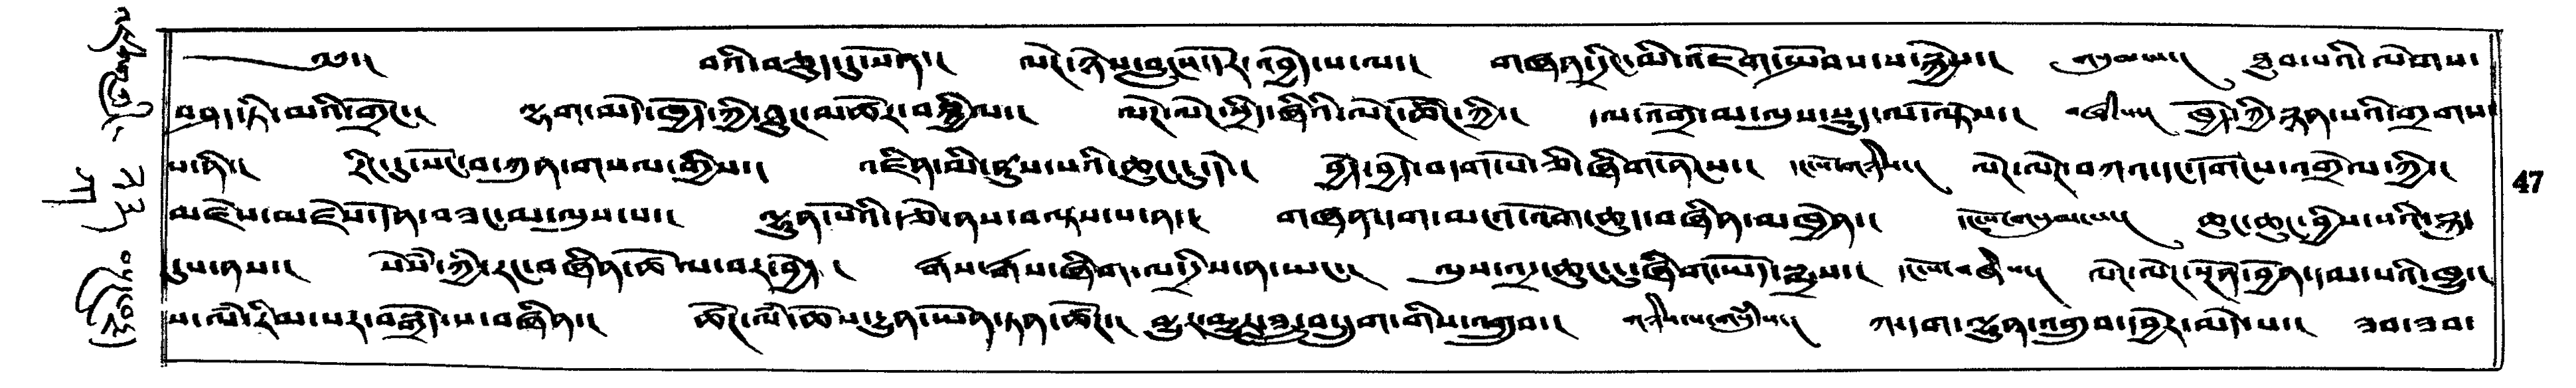བའི་བཅུད་དུ་སོན། །ལེགས་ཉེས་བླང་དོར་འབྱེད་པ་ལ། །གཞན་དྲིང་མི་འཇོག་སྤོབས་པ་སྐྱེས། །གསུམ་པ། ཐུབ་པའི་ལེགས་
བཤད་ཏི་མའི་གྲོང་། །ལྷག་མེད་ཁྱོད་ཀྱི་ཐུགས་མཚོར་བསྐྱིལ། །ལེགས་ལེགས་སྲིད་ཞིའི་ལེགས་ཚོགས་ཀྱི། །དལ་འགྲོ་མ་ལུས་སྡུད་ལ་ལྟོས། ། བཞི་པ། ཁྱོད་ཀྱི་སྙན་པའི་གྲགས་
པ་ནི། །རིང་དུ་སོང་བ་ཀུན་གསལ་གྱིས། །འཛིན་མི་ནུས་པའི་ཆུང་ངུ་དེ། །བྱེད་བྱེད་བདག་པོ་ཅི་ཞིག་ནོངས། ། དང་པོ་གཉིས། ལེགས་ལེགས་བཀའ་དང་དགོངས་འགྲེལ་གྱི། །
མཛེས་མཛེས་དོན་བཟང་མ་ལུས་པ། །ལྷུན་པོའི་རྩེ་ནས་བལྟས་པ་ན། །གཞན་དག་མངའ་འོག་ཆུད་བཞིན་མཁྱེན། ། དང་པོ་གསུམ་པ། ཆུང་ཆུང་བྱིས་པའི་སྐུ་
དུས་ནས། །སེམས་ཀྱི་རང་བཞིན་ཚོལ་བར་བྱེད། །རྒས་རྒས་ཞིག་ལ་དྲིས་ན་ཡང་། །ལུས་འདྲ་ཆུང་ངུ་ཞིག་ཡོད་སྨྲས། ། དང་པོ་བཞི་པ། ལེགས་ལེགས་སྔོན་བྱོན་དམ་པའི་ཁྱུ། །
ས་ལམ་རིམ་པར་བགྲོད་པ་བཞིན། །ཚོགས་ལམ་ཆོས་རྒྱུན་ཡོན་ཏན་ཚོགས། །མྱུར་མྱུར་ཟླ་བ་དྲུག་གིས་འགྲུབ། གཉིས་པ་གསུམ་པ། ཀ་དག་ལྷུན་གྲུབ་དབྱེར་མེད་པ། །ཟབ་ཟབ་